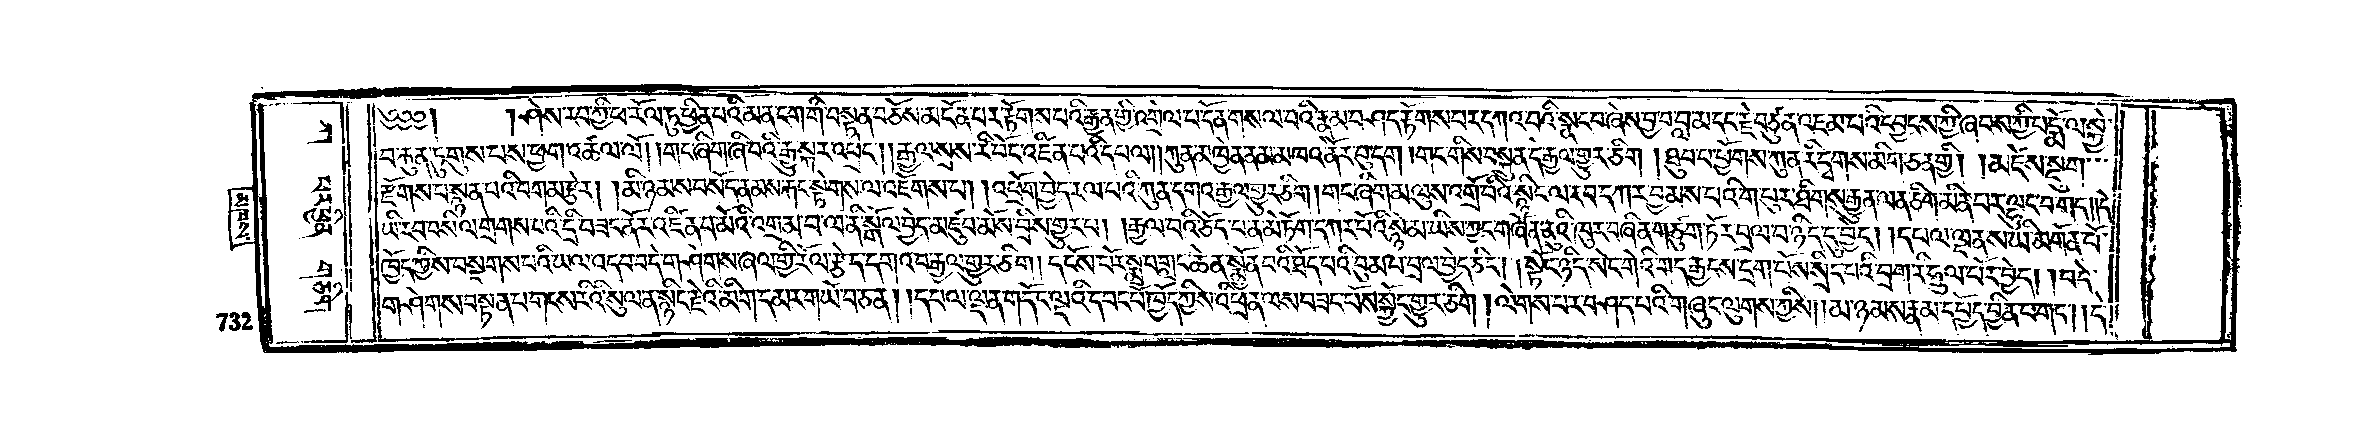༄༅། །ཤེས་རབ་ཀྱི་ཕ་རོལ་ཏུ་ཕྱིན་པའི་ནམ་ངག་གི་བསྟན་བཅོས་མངོན་པར་རྟོགས་པའི་རྒྱན་གྱི་འགྲེལ་པ་དོན་གསལ་བའི་རྣམ་བཤད་རྟོགས་པར་དཀའ་བའི་སྣང་བ་ཞེས་བྱ་བ་བླ་མ་དང་རྗེ་བཙུན་འཇམ་པའི་དབྱངས་ཀྱི་ཞབས་ཀྱི་པདྨོ་ལ་སྐྱེ་
བ་རྐུན་ཏུ་གུས་པས་ཕྱག་འཚལ་ལོ། །གང་ཞིག་ཞི་བའི་རྒྱུ་སྐར་འཕྲེང་། །རྒྱལ་སྲས་རི་བོང་འཛིན་པའི་དཔལ། །ཀུན་མཁྱེན་ནམ་མཁའ་ནོར་བུ་དག། གང་གིས་བསྐྲུན་དེ་རྒྱལ་གྱུར་ཅིག། ཐུབ་པ་ཕྱོགས་ཀུན་རི་དགས་མིག་ཅན་གྱི། །མཛེས་སྡུག་
རྫོགས་པ་སྙན་པའི་བ་གམ་རྩེར། །མི་ཉམས་བསོད་ནམས་རྐང་སྟེགས་ལ་འཇོགས་པ། །འཕྲོག་བྱེད་རལ་བའི་ཀུན་དགའ་རྒྱལ་གྱུར་ཅིག། གང་ཞིག་མ་ལུས་འགྲོ་བའི་སྙིང་ལ་རབ་དཀར་བྱམས་པའི་ག་པུར་ཐིགས་རྒྱུན་ལན་ཅིག་མིན་པར་ལྷུང་བ་གང་། །དེ་
ཡི་རབ་བསིལ་གྲགས་པའི་དྲི་བཟང་ནོར་འཛིན་པ་མོའི་འགྲམ་བ་ལ་ནི་སྒོལ་བྱེད་མཛུབ་མོས་བྲིས་གྱུར་པ། །རྒྱལ་བའི་ཅོད་པ་ན་མེ་ཏོག་དཀར་པོའི་སྙེ་མ་ཡིས་ཀྱང་གཞོན་ནུའི་ཁུར་བཞིན་གཙུག་ཏོར་བྲལ་བ་ཉིད་དུ་བྱེད། །དཔལ་ལྡན་ས་ཡི་མགོན་པོ་
ཁྱོད་ཀྱིས་བསྔས་པའི་ཡལ་འདབ་བ་དེ་གཤེགས་ཞལ་གྱི་རོལ་རྩེད་དགའ་བ་རྒྱལ་གྱུར་ཅིག། དངོས་པོར་སྨྲ་བ་གླང་ཆེན་སྨྱོན་པའི་ཐོད་པའི་བུམ་པ་བྲལ་བྱེད་ཅིང་། །སྟོང་ཉིད་སེང་གེའི་གད་རྒྱངས་དྲག་པོས་སྲིད་པའི་བྲག་རི་ཧྲུལ་པོར་བྱེད། །བདེ་
གཤེགས་བསྟན་པ་གངས་རིའི་སུལ་ན་སྙིང་རྗེའི་མིག་དམར་གཡོ་བ་ཅན། །དཔལ་ལྡན་གདོང་ལྔའི་དབང་པོ་ཁྱོད་ཀྱིས་འཕྲན་ལས་བཟང་པོས་སྐྱོང་གྱུར་ཅིག། ལེགས་པར་བཤད་པའི་གཞུང་ལུགས་ཀྱིས། །མ་ཉམས་རྣམས་དཔྱོད་དབྱིན་པ་གང་། །དེ་